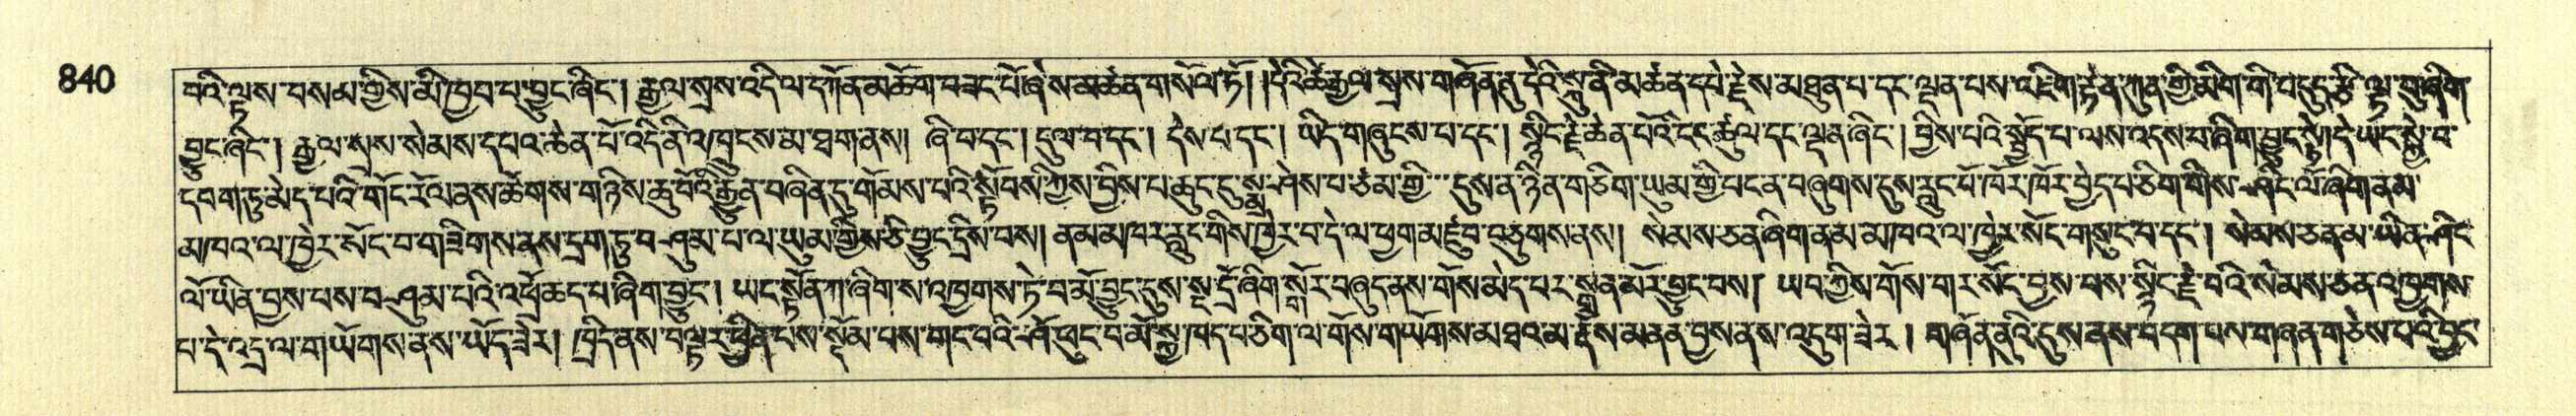བའི་ལྟས་བསམ་གྱིས་མི་ཁྱབ་པ་བྱུང་ཞིང་། རྒྱལ་སྲས་འདི་ལ་དཀོན་མཆོག་བཟང་པོ་ཞེས་མཚན་གསོལ་ཏོ། །དེའི་ཚེ་རྒྱལ་སྲས་གཞོན་ནུ་དེའི་སྐུ་ནི་མཚན་དཔེ་རྗེས་མཐུན་པ་དང་ལྡན་པས་འཇིག་རྟེན་ཀུན་གྱི་མིག་གི་བདུད་རྩི་ལྟ་བུ་ཞིག་
བྱུང་ཞིང་། རྒྱལ་སྲས་སེམས་དཔའ་ཆེན་པོ་འདི་ནི་འཁྲུངས་མ་ཐག་ནས། ཞི་བ་དང་། དུལ་བ་དང་། དེས་པ་དང་། ཡིད་གཞུངས་པ་དང་། སྙིང་རྗེ་ཆེན་པོའི་ངང་ཚུལ་དང་ལྡན་ཞིང་། བྱིས་པའི་སྤྱོད་པ་ལས་འདས་བ་ཞིག་བྱུང་སྟེ། དེ་ཡང་སྐྱེ་བ་
དཔག་ཏུ་མེད་པའི་གོང་རོལ་ནས་ཚོགས་གཉིས་ཆུ་བོའི་རྒྱུན་བཞིན་དུ་གོམས་པའི་སྟོབས་ཀྱིས་བྱིས་པ་ཆུང་དུ་སྨྲ་ཤེས་པ་ཙམ་གྱི་དུས་ན་ཉིན་གཅིག་ཡུམ་གྱི་པང་ན་བཞུགས་དུས་རླུང་པོ་ཁོར་ཁོར་བྱེད་པ་ཅིག་གིས་ཤིང་ལོ་ཞིག་ནམ་
མཁའ་ལ་ཁྱེར་སོང་བ་གཟིགས་ནས་དྲག་ཏུ་བཤུམ་པ་ལ་ཡུམ་གྱིས་ཅི་བྱུང་དྲིས་པས། ནམ་མཁར་རླུང་གིས་ཁྱེར་བ་དེ་ལ་ཕྱག་མཛུབ་བཅུགས་ནས། སེམས་ཅན་ཞིག་ནམ་མཁའ་ལ་ཁྱེར་སོང་གསུང་བ་དང་། སེམས་ཅན་མ་ཡིན་ཤིང་
ལོ་ཡིན་བྱས་པས་བཤུམ་པའི་འཕྲོ་ཆད་པ་ཞིག་བྱུང་། ཡང་སྟོན་ཀ་ཞིག་ས་འཁྱགས་ཏེ་བ་མོ་བྱུང་དུས་སྔ་དྲོ་ཞིག་སྒོར་བཞུད་ནས་གོས་མེད་པར་སྒྲན་མོར་བྱུང་བས། ཡབ་ཀྱིས་གོས་གར་སོང་བྱས་བས་སྙིང་རྗེ་བའི་སེམས་ཅན་འཁྱགས་
པ་དེ་འདྲ་ལ་གཡོགས་ནས་ཡོད་ཟེར། ཁྲིད་ནས་བལྟར་ཕྱིན་པས་སྡོམ་པས་གང་བའི་ཤོ་ཕུང་བ་མོ་སྐྱ་ཁད་པ་ཅིག་ལ་གོས་གཡོགས་མཐའ་མ་རྡོས་མནན་བྱས་ནས་འདུག་ཟེར། གཞོན་ནུའི་དུས་ནས་བདག་པས་གཞན་གཅེས་པའི་བྱང་